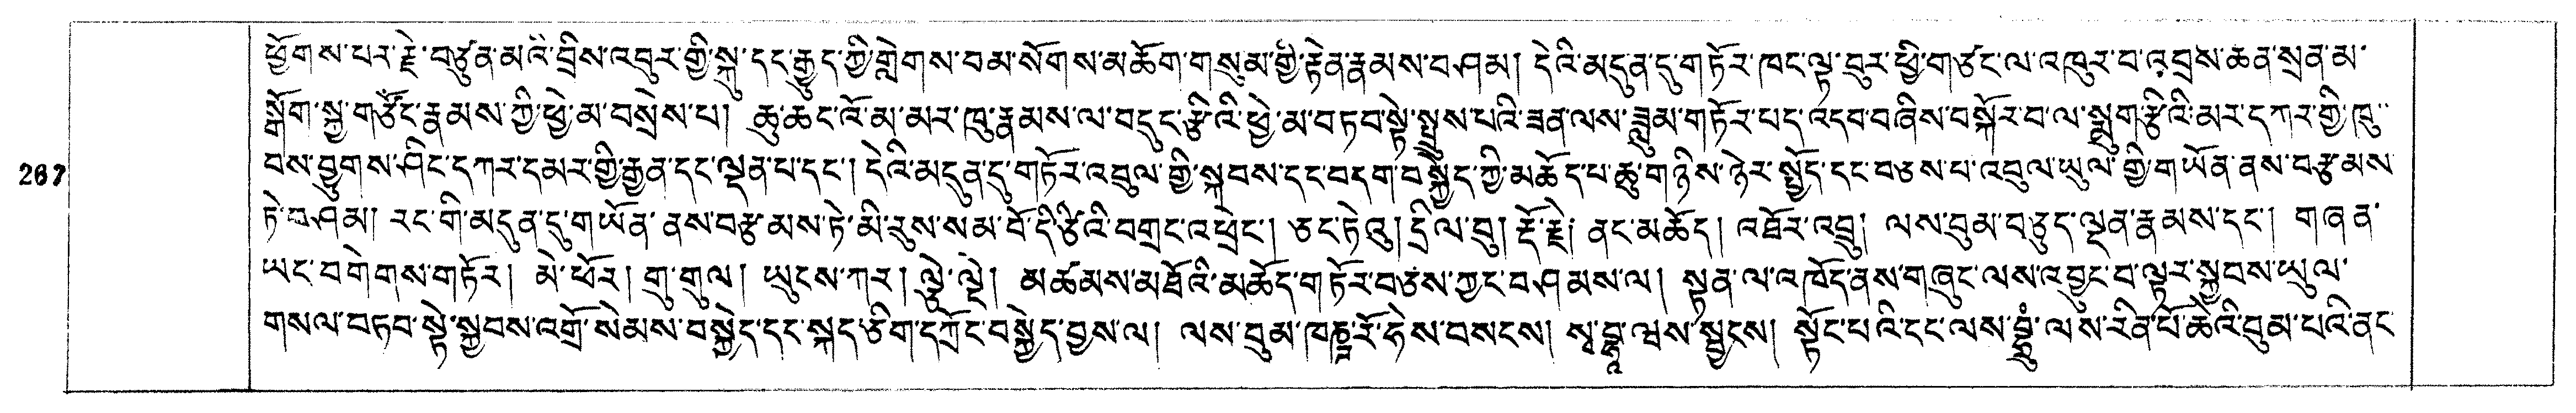ཕྱོགས་པར་རྗེ་བཙུན་མའི་བྲིས་འབུར་གྱི་སྐུ་དང་རྒྱུད་ཀྱི་གླེགས་བམ་སོགས་མཆོག་གསུམ་གྱི་རྟེན་རྣམས་བཤམ། དེའི་མདུན་དུ་གཏོར་ཁང་ལྟ་བུར་ཕྱེ་གཙང་ལ་འཁུར་བ་འབྲས་ཆན་སྲན་མ།
སྒོག་སྐྱ་བཙོང་རྣམས་ཀྱི་ཕྱེ་མ་བསྲེས་པ། ཆུ་ཆང་འོ་མ་མར་ཁུ་རྣམས་ལ་བདུད་རྩིའི་ཕྱེ་མ་བཏབ་སྟེ་སྦྲུས་པའི་ཟན་ལས་ཟླུམ་གཏོར་པང་འདབ་བཞིས་བསྐོར་བ་ལ་སྨུག་རྩིའཾ་མར་དཀར་གྱི་ཁུ་
བས་བྱུགས་ཤིང་དཀར་དམར་གྱི་རྒྱན་དང་ལྡན་པ་དང་། དེའི་མདུན་དུ་གཏོར་འབུལ་གྱི་སྐབས་དང་བདག་བསྐྱེད་ཀྱི་མཆོད་བ་ཆུ་གཉིས་ཉེར་སྤྱོད་དང་བཅས་པ་འབུལ་ཡུལ་གྱི་གཡོན་ནས་བརྩམས་
ཏེ་བཤམ། རང་གི་མདུན་དུ་གཡོན་ནས་བརྩམས་ཏེ་མི་རུས་སམ་བོ་དེ་ཙེའི་བགྲང་འཕྲེང་། ཅང་ཏེའུ། དྲིལ་བུ། རྡོ་རྗེ༑ ནང་མཆོད། འཐོར་འབྲུ། ལས་བུམ་བཅུད་ལྡན་རྣམས་དང་། གཞན་
ཡང་བགེགས་གཏོར། མེ་ཕོར། གུ་གུལ། ཡུངས་ཀར། ལྕེ་ལྡེ། མཚམས་མཐོའི་མཆོད་གཏོར་བཅས་ཀྱང་བཤམས་ལ། སྟན་ལ་འཁོར་ནས་གཞུང་ལས་འབྱུང་བ་ལྟར་སྐྱབས་ཡུལ་
གསལ་བཏབ་སྟེ་སྐྱབས་འགྲོ་སེམས་བསྐྱེད་དང་སྐད་ཅིག་དཀྲོང་བསྐྱེད་བྱས་ལ། ལས་བུམ་ཁཎྜ་རོ་ཧེས་བསངས། སྭ་བྷཱ་ཝ་ས་སྦྱངས། སྟོང་པའི་ངང་ལས་བྷཱུཾ་ལས་རིན་པོ་ཆེའི་བུམ་པའི་ནང་